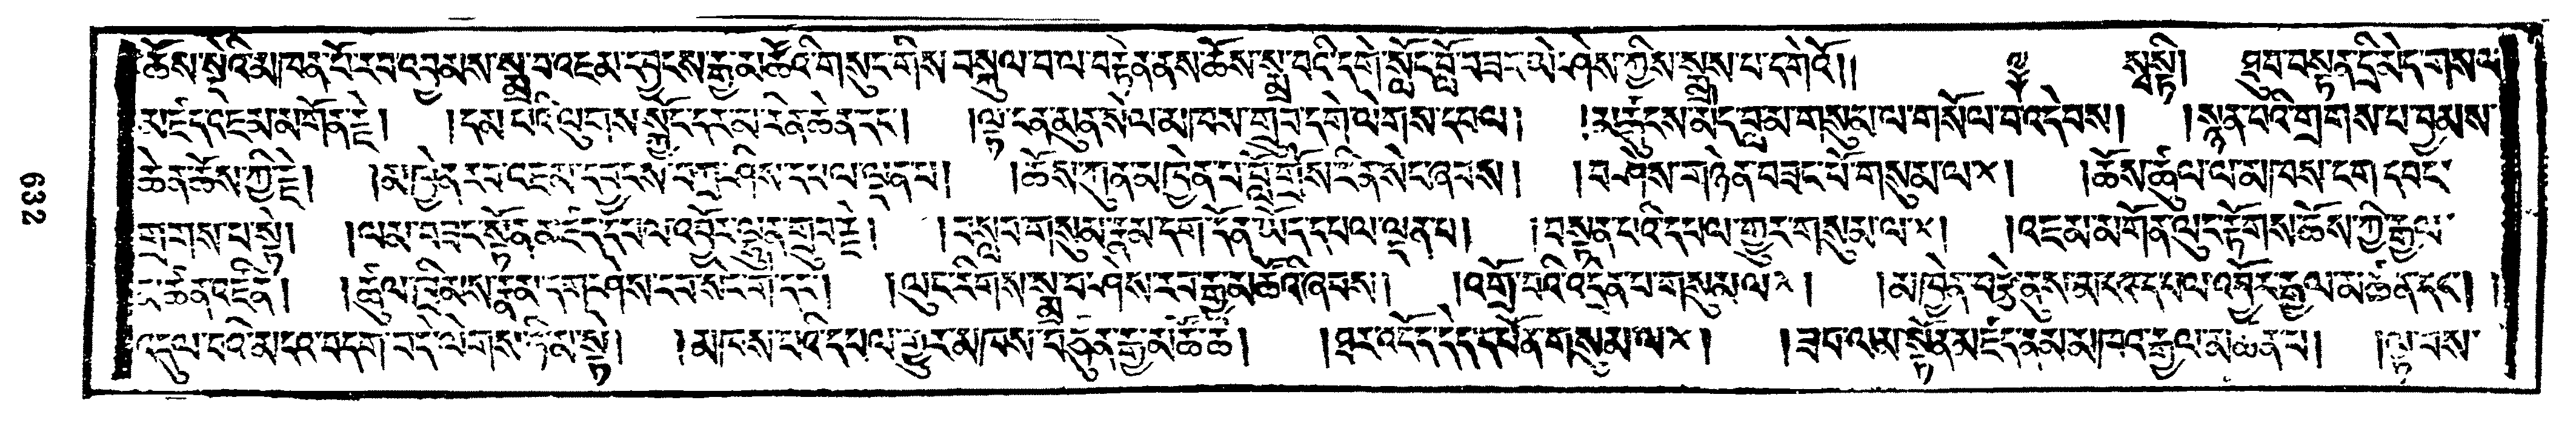ཆོས་སྡེའི་མཁན་པོ་རབ་འབྱམས་སྨྲ་བ་འཇམ་དབྱངས་རྒྱ་མཚོའི་གསུང་གིས་བསྐུལ་བ་ལ་བརྟེན་ནས་ཆོས་སྨྲ་བའི་དགེ་སློང་བློ་བཟང་ཡེ་ཤེས་ཀྱིས་སྨྲས་པ་དགེའོ།། ༈ སྭསྟི། ཐུབ་བསྟན་དྲི་མེད་གསལ་
མཛད་འཇམ་མགོན་རྗེ། །དམ་པའི་ལུགས་སྐྱོང་དར་མ་རིན་ཆེན་དང་། །ལྟ་ངན་མུན་སེལ་མཁས་གྲུབ་དགེ་ལེགས་དཔལ། །མཚུངས་མེད་བླ་མ་གསུམ་ལ་གསོལ་བ་འདེབས། །སྙན་པའི་གྲགས་པ་བྱམས་
ཆེན་ཆོས་ཀྱི་རྗེ། །མཁྱེན་རབ་འཇམ་དབྱངས་བཀྲ་ཤིས་དཔལ་ལྡན་པ། །ཆོས་ཀུན་མཁྱེན་པ་བློ་གྲོས་རིན་སེང་ཞབས། །བཤེས་གཉེན་བཟང་པོ་གསུམ་ལ་྾། །ཆོས་ཚུལ་ལ་མཁས་ངག་དབང་
གྲགས་པ་སྟེ། །ལམ་བཟང་སྟོན་མཛད་དཔལ་འབྱོར་ལྷུན་གྲུབ་རྗེ། །བསླབ་གསུམ་རྣམ་དག་དོན་ཡོད་དཔལ་ལྡན་པ། །བསྟན་པའི་དཔལ་གྱུར་གསུམ་ལ་྾། །འཇམ་མགོན་ལུང་རྟོགས་ཆོས་ཀྱི་རྒྱལ་
མཚན་འཛིན། །ཚུལ་ཁྲིམས་རྣམ་དག་ཤེས་རབ་སེང་གེ་དང་། །ལུང་རིགས་སྨྲ་བ་ཤེས་རབ་རྒྱ་མཚོའི་ཞབས། །འགྲོ་བའི་འདྲེན་པ་གསུམ་ལ་྾། །མཁྱེན་བརྩེ་ནུས་མངའ་དཔལ་འབྱོར་རྒྱལ་མཚན་དང་། །
འདུལ་བའི་མངའ་བདག་བདེ་ལེགས་ཉི་མ་སྟེ། །མཁས་པའི་དཔལ་གྱུར་མཁས་བཙུན་རྒྱ་མཚོ་ཆེ། །ཐར་འདོད་དེད་དཔོན་གསུམ་ལ་྾། །ཟབ་ལམ་སྟོན་མཛད་ནམ་མཁའ་རྒྱལ་མཚན་པ། །ལྟ་བས་